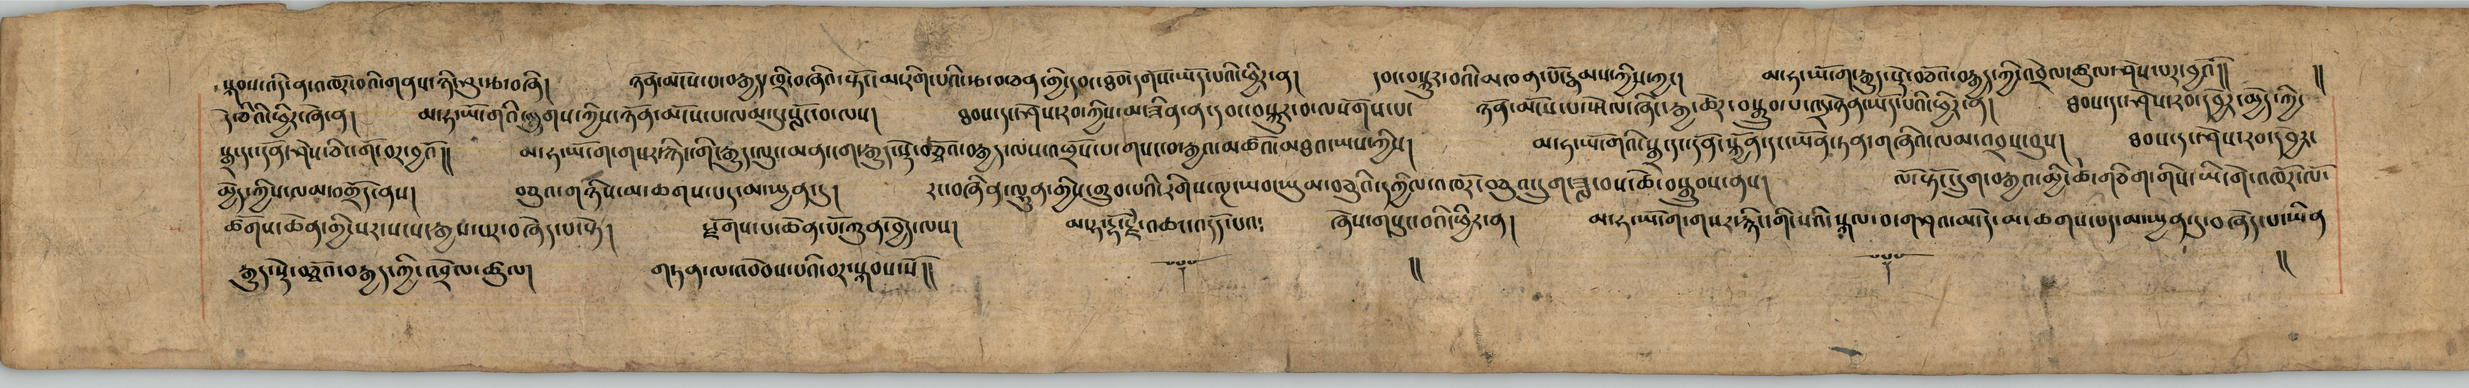སྐབས་འདི་ན་འཁོར་བའི་གནས་ཉི་ཤུ་རྩ་བཞི། ཉོན་མོངས་པ་བརྒྱད་ཁྲི་བཞིའ་སྟོང་མ་རིག་པའི་རྩ་བ་ཅན་གྱི་དབང་རཐོབ་དགོས་པའི་ཕྱིར་ན། དབང་བསྐུར་བའི་མཁན་པོ་རྣམས་ཀྱིས་ཀྱང། མ་ཧ་ཡོ་ག་རྒྱུད་སྡེ་བཅོའ་བརྒྱད་ཀྱི་འབྲེལ་ཚུལ་ཤེས་པར་བྱའོ།།
དེ་ཅིའི་ཕྱིར་ཞེ་ན། མ་ཧ་ཡོ་གའི་ལུགས་ཀྱིས་ཉོན་མོངས་པ་ལམ་དུ་སློང་བ་ལས། ཐབས་དང་ཤེས་རབ་ཀྱིས་མ་ཟིན་ན་དབང་བསྐུར་བ་ལསོགས་པ་ ཉོན་མོངས་པ་སྤེལ་ཞིང་རྒྱ་ཆེར་བསྒྲུབ་པ་འདྲ་ཉེན་ཡོད་པའི་ཕྱིར་ན། ཐབས་དང་ཤེས་རབ་དབྱེར་མྱེད་ཀྱི་
སྒྲ་དང་དོན་ཤེས་ཅིང་གོ་བར་བྱའོ།། མ་ཧ་ཡོ་ག་གསར་རྙིང་གི་རྒྱུད་ལུང་མན་ངག་རྒྱུད་སྡེ་བཅྭོའ་བརྒྱད་ལས་འཕྲོས་པ་གསང་བ་རྒྱའ་མཚོའ་མཐའ་ཡས་ཀྱིས། མ་ཧ་ཡོ་གའི་སྒྲ་དང་དོན་སྐྱོན་དང་ཡོན་ཏན་གཞིའ་ལམ་འབྲས་བུས། ཐབས་དང་ཤེས་རབ་དབྱེར་
མྱེད་ཀྱིས་ལམ་བགྲོད་ནས། བཅུའ་གཉིས་མ་ཆགས་པད་མ་སྤྱན་དུ། རང་བཞིན་ལྷུན་གྱིས་གྲུབ་པའི་རིགས་ལྔ་ཡབ་ཡུམ་བཅུའི་དཀྱིལ་འཁོར་བཅུའ་དྲུག་ཟླ་བས་ཆེ་བསྒྲུབས་ནས། ལོ་སྟོང་དྲུག་བརྒྱའ་མྱི་ཚེ་གཅིག་གིས་ཡི་གེ་འཁོར་ལོ་
ཚོགས་ཆེན་གྱི་སར་སངས་རྒྱས་པར་བཞེད་པ་སྟེ། སྫོགས་པ་ཆེན་པོ་ཀུན་བྱེད་ལས། མ་ཧ་རྡོ་རྗེ་འཆདྷ་འདོད་པའ༴ ཞེས་གསུང་བའི་ཕྱིར་ན། མ་ཧ་ཡོ་ག་གསར་རྙིང་གི་སའི་སྐལ་བ་གཤའ་མ་དེ་མ་ཆགས་པད་མ་སྤྱན་དུ་བཞེད་པ་ཡིན
རྒྱུད་སྡེ་བཅྭོའ་བརྒྱད་ཀྱི་འབྲེལ་ཚུལ། གཏན་ལ་འབེབས་པའི་བར་སྐབས་སོ།།